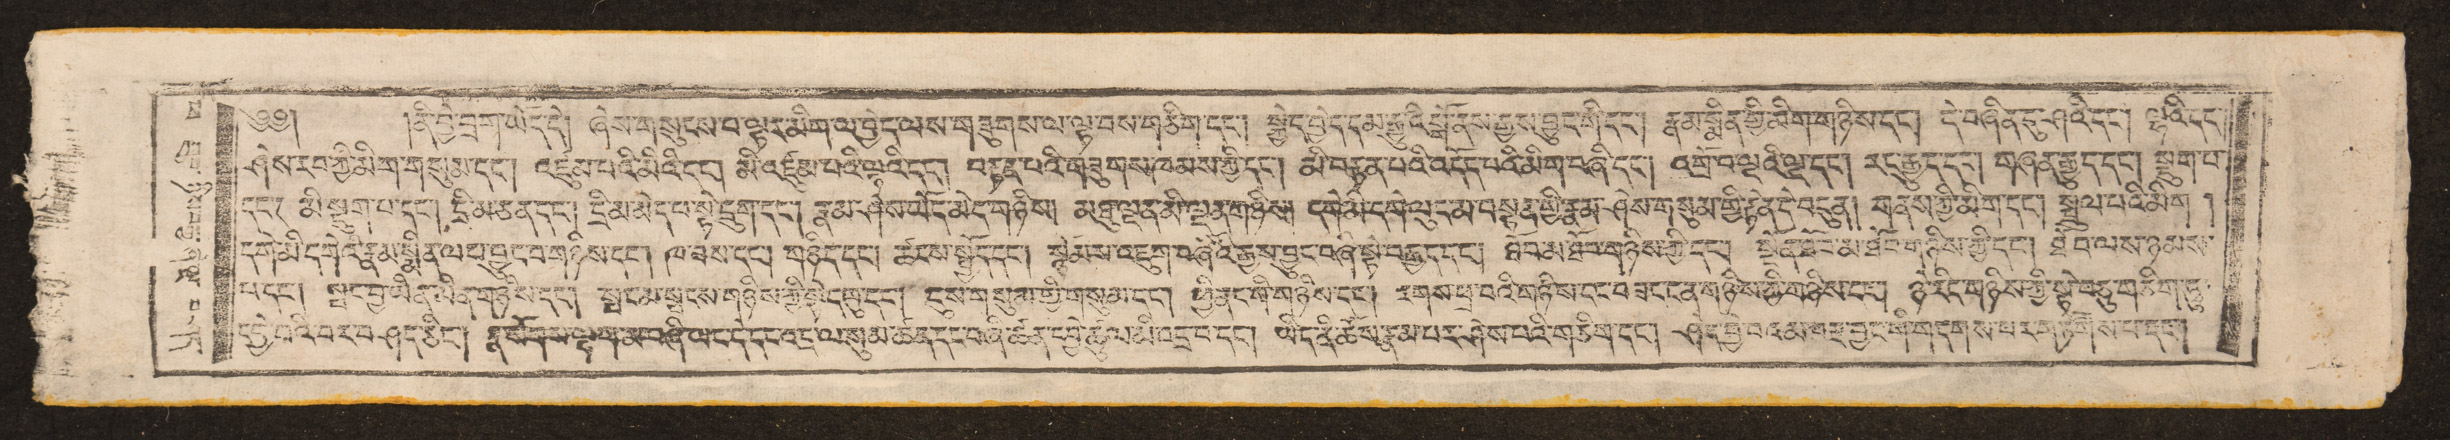༄༅། །ནི་བྱེ་བྲག་ཡོད་དེ། ཞེས་གསུངས་པ་ལྟར་མིག་ལ་བྱེད་ལས་གཟུགས་ལ་ལྟ་བས་གཅིག་དང་། སྐྱེད་བྱེད་དམ་རྒྱུའི་སྒོ་ནས་རྒྱས་བྱུང་གི་དང་། རྣམ་སྨིན་གྱི་མིག་གཉིས་དང་། དེ་བཞིན་དུ་ཤའི་དང་། ལྷའི་དང་།
ཤེས་རབ་ཀྱི་མིག་གསུམ་དང་། འཛུམ་པའི་མིའི་དང་། མི་འཛུམ་པའི་ལྟའི་དང་། བརྟན་པའི་གཟུགས་ཁམས་ཀྱི་དང་། མི་བརྟན་པའི་འདོད་པའི་མིག་བཞི་དང་། འགྲོ་བ་ལྔའི་ལྔ་དང་། རང་རྒྱུད་དང་། གཞན་རྒྱུད་དང་། སྡུག་པ་
དང༑ མི་སྡུག་པ་དང་། དྲི་མ་ཅན་དང་། དྲི་མ་མེད་པ་སྟེ་དྲུག་དང་། རྣམ་ཤེས་ཡོད་མེད་གཉིས། མཐུ་ལྡན་མི་ལྡན་གཉིས། དགེ་མི་དགེ་ལུང་མ་བསྟན་གྱི་རྣམ་ཤེས་གསུམ་གྱི་རྟེན་དེ་བདུན། གནས་ཀྱི་མིག་དང་། སྒྲུལ་?་པའི་མིག།
དགེ་མི་དགེའི་རྣམ་སྨིན་ལས་བྱུང་བ་གཉིས་དང་། ཁ་ཟས་དང་། གཉིད་དང་། ཚངས་སྤྱོད་དང་། སྙོམས་འཇུག་བཞིའི་རྒྱས་བྱུང་བཞི་སྟེ་བརྒྱད་དང་། ཐོབ་མ་ཐོབ་གཉིས་ཀྱི་དང་། སྔོན་ཐོབ་མ་ཐོབ་གཉིས་ཀྱི་དང་། ཐོབ་ལས་ཉམས་
པ་དང་། སྤང་བྱ་ཡིན་མིན་གཉིས་དང་། སྤང་མ་སྤངས་གཉིས་ཀྱི་སྟེ་དགུ་དང་། དུས་གསུམ་གྱི་གསུམ་དང་། ཕྱི་ནང་གི་གཉིས་དང་། རགས་ཕྲ་བའི་གཉིས་དང་བཟང་ངན་གཉིས་ཀྱི་གཉིས་དང་། ཉེ་རིང་གཉིས་ཀྱི་སྟེ་བཅུ་གཅིག་ཏུ་
དབྱེ་བའི་བར་བཤད་ཅིང་། རྣ་སོགས་ལྷག་མ་བཞི་ཡང་དེ་དང་འདྲ་ལ་སུམ་ཚན་དང་བཞི་ཚན་དབྱེ་ཚུལ་མི་འདྲ་བ་དང་། ཡིད་ནི་ཆོས་རྣམ་པར་ཤེས་པའི་གཅིག་དང་། ཤེད་བྱེ་བའམ་བརྡ་བྱང་གི་གདགས་པར་གཏོགས་པ་དང་།